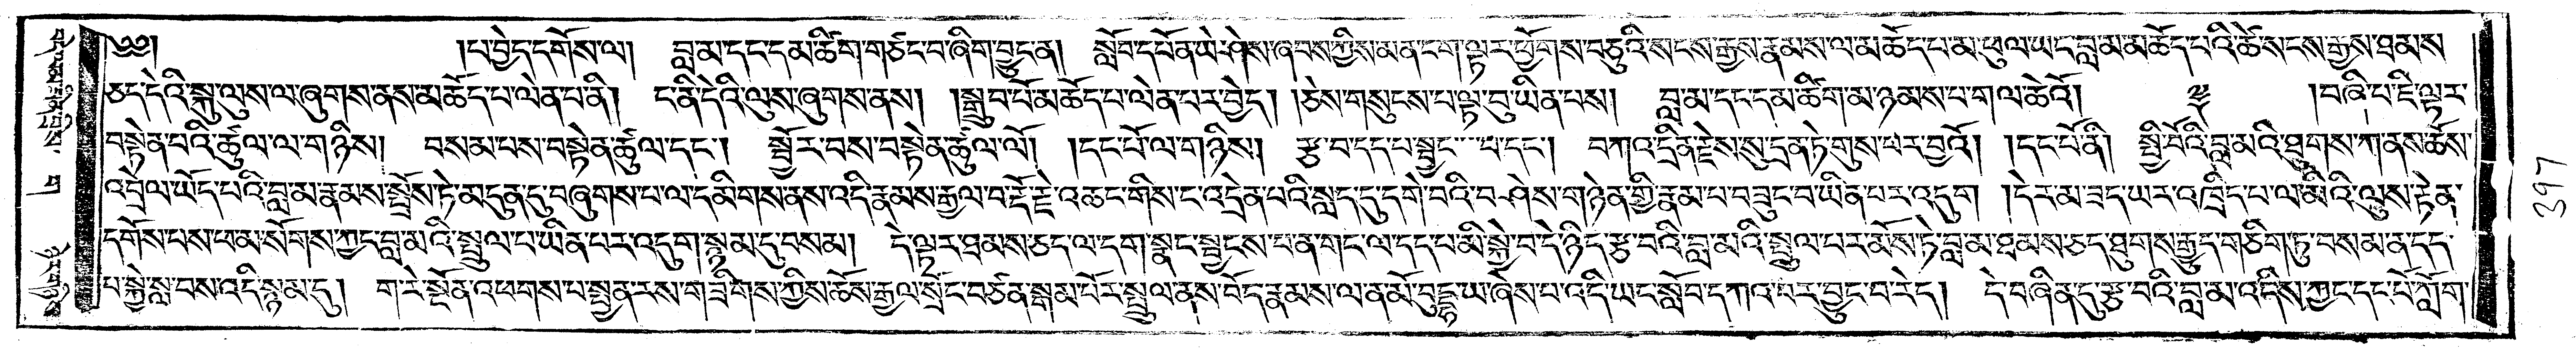༄༅། །པ་བྱེད་དགོས་ལ། བླ་མ་དང་དམ་ཚིག་གཙང་བ་ཞིག་བྱུང་ན། སློབ་དཔོན་ཡེ་ཤེས་ཞབས་ཀྱིས་ན་ནང་ག་ལྟར་ཕྱོགས་བཅུའི་སངས་རྒྱས་རྣམས་ལ་མཆོད་པ་མ་ཕུལ་ཡང་བླ་མ་མཆོད་པའི་ཚེ་སངས་རྒྱས་ཐམས་
ཅད་དེའི་སྐུ་ལུས་ལ་ཞུགས་ནས་མཆོད་པ་ལེན་པ་ནི། །བ་ནི་དེའི་ལུས་ཞུགས་ནས། །སྒྲུབ་པོ་མཆོད་པ་ལེན་པར་བྱེད། །ཅེས་གསུངས་པ་ལྟ་བུ་ཡིན་པས། བླ་མ་དང་དམ་ཚིག་མ་ཉམས་པ་གལ་ཆེའོ། ༈། །བཞི་པ་ཇི་ལྟར་
བསྟེན་པའི་ཚུལ་ལ་གཉིས། བསམ་པས་བསྟེན་ཚུལ་དང་། སྦྱོར་བས་བསྟེན་ཚུལ་ལོ། །དང་པོ་ལ་གཉིས། རྩ་བ་དད་པ་སྦྱང་བ་དང་། བཀའ་དྲིན་རྗེས་སུ་དྲན་ཏེ་གུས་པར་བྱའོ། །དང་པོ་ནི། སྤྱི་བོའི་བླ་མའི་ཐུགས་ཀ་ནས་ཆོས་
འབྲེལ་ཡོད་པའི་བླ་མ་རྣམས་སྤྲོས་ཏེ་མདུན་དུ་བཞུགས་པ་ལ་དམིགས་ནས་འདི་རྣམས་རྒྱལ་བ་རྡོ་རྗེ་འཆང་གིས་ང་འདྲེན་པའི་སླད་དུ་དགེ་བའི་བཤེས་གཉེན་གྱི་རྣམ་པ་བཟུང་བ་ཡིན་པར་འདུག །དེར་མ་ཟད་ཡར་འཁྲིད་པ་ལ་མིའི་ལུས་རྟེན་
དགོས་བས་བམ་སོགས་ཀྱང་བླ་མའི་སྤྲུལ་པ་ཡིན་པར་འདུག་སྙམ་དུ་བསམ། དེ་ལྟར་ཐམས་ཅད་ལ་དག་སྣང་སྦྱངས་པ་ན་གང་ལ་དད་པ་མི་སྐྱེ་བ་དེ་ཉིད་རྩ་བའི་བླ་མའི་སྤྲུལ་པར་མོས་ཏེ་བླ་མ་ཐམས་ཅད་ཐུགས་རྒྱུད་གཅིག་ཏུ་བསམ་ན་དད་
པ་སྐྱེ་སླ་བས་འདི་སྙམ་དུ། གར་སྔོན་འཕགས་པ་སྤྱན་རས་གཟིགས་ཀྱིས་ཆོས་རྒྱལ་སྲོང་བཙན་སྒམ་པོར་སྤྲུལ་ནས་བོད་རྣམས་ལན་མོ་བུདྡྷ་ཡ་ཞེས་པ་འདི་ཡང་སློབ་དཀའ་བར་བྱུང་བ་རེད། དེ་བཞིན་དུ་རྩ་བའི་བླ་མ་འདིས་ཀྱང་དང་པོ་ཀློག་